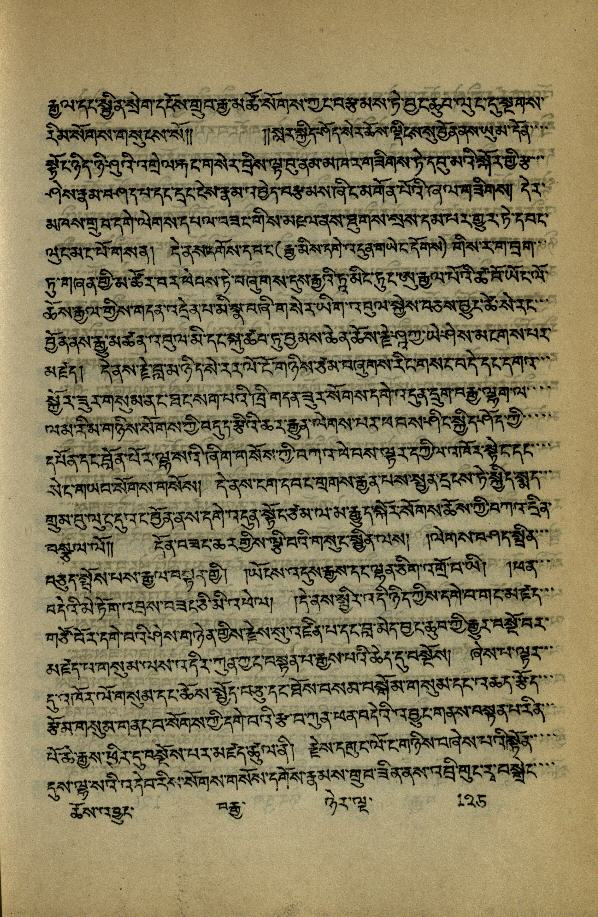རྒྱལ་དང་སྦྱིན་སྲེག་དངོས་གྲུབ་རྒྱ་མཚོ་སོགས་ཀྱང་བརྩམས་ཏེ་བྱང་ཆུབ་ལུང་དུ་སྔགས་
རིམ་སོགས་གསུངས་སོ།། །།སླར་སྐྱིད་ཤོད་སེར་ཆོས་ལྡིངས་སུ་བྱོན་ནས་ཡུམ་དོན་
སྟོང་ཉིད་ཉི་ཤུའི་འགྲེལ་རྐང་གསེར་བྲིས་ལྟ་བུ་ནམཁར་གཟིགས་ཏེ་དབུ་མའི་སྐོར་གྱི་རྩ་
ཤེས་རྣམ་བཤད་པ་དང་དྲང་ངེས་རྣམ་འབྱེད་བརྩམས་ཞིང་མགོན་པོའི་ཞལ་གཟིགས། དེར་
མཁས་གྲུབ་དགེ་ལེགས་དཔལ་བཟང་གིས་མཇལ་ནས་ཐུགས་སྲས་དམ་པར་གྱུར་ཏེ་དབང་
ལུང་མང་པོ་གསན། དེ་ནས་དགོས་དབང་རྒྱ་མིས་དགེ་འདུན་གཡེང་དོགས་གིས་ར་ག་བྲག་
ཏུ་གཞན་གྱི་མཚོར་བར་ཕེབས་ཏེ་བཞུགས་དུས་རྒྱའི་ཏཱ་མིང་ཏུང་ཨུ་རྒྱལ་པོའི་ཚ་བོ་ཡོང་ལོ་
ཆོས་རྒྱལ་གྱིས་གདན་འདྲེན་པ་མི་སྣ་བཞི་གསེར་ཡིག་འབུལ་སྐྱེས་བཅས་བྱུང་ཚེ་སེ་རང་
བྱོན་ནས་རྒྱུ་མཚན་འབུལ་མི་དང་སྐུ་ཚབ་ཏུ་བྱམས་ཆེན་ཆོས་རྗེ་ཤཱཀྱ་ཡེ་ཤེས་མངགས་པར་
མཛད། དེ་ནས་རྗེ་བླ་མ་ཉིད་སེ་རར་ལོ་ངོ་གཉིས་ཙམ་བཞུགས་རིང་གསང་བདེ་དང་དགའ་
སྐྱོར་ཟུར་གསུམ་ནང་ཐང་སག་པའི་ཁྲི་གདན་ཟུར་སོགས་དགེ་འདུན་དྲུག་བརྒྱ་ལྷག་ལ་
ལམ་རིམ་གཉིས་སོགས་ཀྱི་བདུད་རྩིའི་ཆར་རྒྱུན་ལེགས་པར་ཕབས་ཤིང་སྐྱིད་ཤོད་ཀྱི་
དཔོན་དང་བློན་པོར་ལྷ་སའི་ཞིག་གསོས་ཀྱི་བཀའ་ཕེབས་ལྟར་དཀྱིལ་འཁོར་སྟེང་དང་
སེང་གཡབ་སོགས་གསོས། དེ་ནས་ངག་དབང་གྲགས་རྒྱན་པས་སྤྱན་དྲངས་ཏེ་སྐྱིད་སྨད་
གྲུམ་བུ་ལུང་དུའང་བྱོན་ནས་དགེ་འདུན་སྟོང་ཙམ་ལ་མ་རྒྱུད་སྐོར་སོགས་ཆོས་ཀྱི་བཀའ་དྲིན་
བསྩལ་ལོ།། དོན་བཟང་ཆར་གྱིས་ལྕི་བའི་གསུང་སྦྱིན་ལས། །ལེགས་བཤད་སྤྲིན་
བཅུད་སྤྲོས་པས་རྒྱལ་བསྟར་གྱི། །ཡོངས་འདུས་རྒྱས་དང་ལྷན་ཅིག་འགྲོ་བ་ཡི། །ཕན་
བདེའི་མེ་ཏོག་འབྲས་བཟང་ཅི་མི་འཕེལ། །དེ་ནས་སྤྱིར་འདི་ཉིད་ཀྱིས་དགེ་བ་གང་མཛད་
གཙོ་བོར་དགེ་བའི་ཤེས་གཉེན་གྱིས་རྗེས་སུ་འཛིན་པ་དང་བླ་མེད་བྱང་ཆུབ་ཀྱི་རྒྱུར་བསྔོ་བར་
མཛད་པ་གསུམ་ལས་འདིར་ཀུན་ཀྱང་བསྟན་པ་རྒྱས་པའི་ཆེད་དུ་བསྔོ། ཞེས་པ་ལྟར་
དུ་འཁོར་ལོ་གསུམ་དང་ཆོས་སྤྱོད་བཅུ་དང་ཐོས་བསམ་བསྒོམ་གསུམ་དང་འཆད་རྩོད་
རྩོམ་གསུམ་གནང་བ་སོགས་ཀྱི་དགེ་བའི་རྩ་བ་ཀུན་ཕན་བདེའི་འབྱུང་གནས་བསྟན་པ་རིན་
པོ་ཆེ་རྒྱས་ཕྱིར་དུ་བསྔོས་པར་མཛད་ཚུལ་ནི། རྗེས་དགུང་ལོ་ང་གཉིས་བཞེས་པའི་སྟོན་
དུས་ལྷ་སའི་འདེབ་རིས་སོགས་གསོས་དགོས་རྣམས་གྲུབ་ཟིན་ནས་འབྲི་གུང་རྭ་བསྒྲེང་